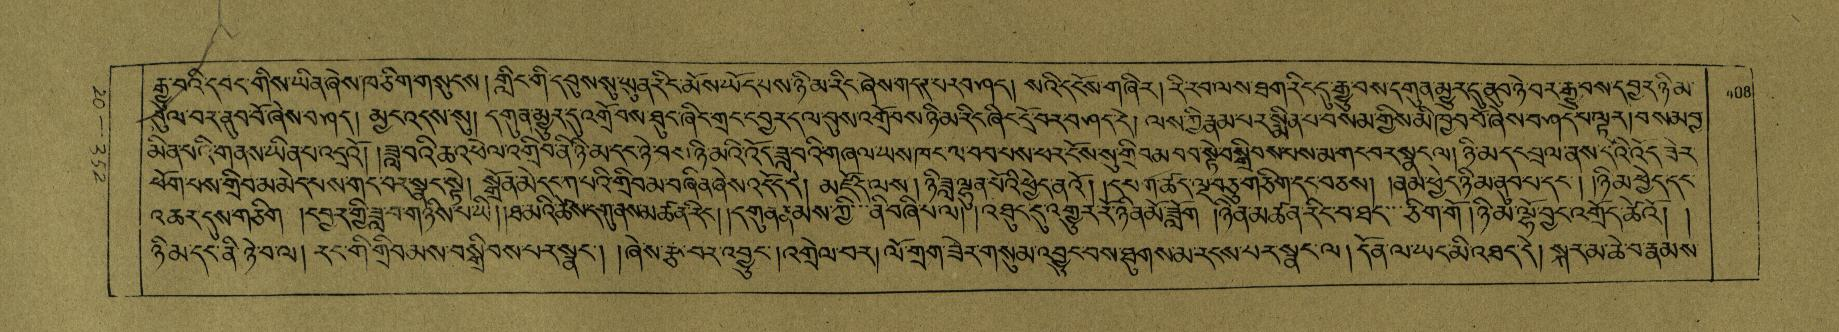རྒྱུ་བའི་དབང་གིས་ཡིན་ཞེས་ཁ་ཅིག་གསུངས། གླིང་གི་དབུས་སུ་ཡུན་རིང་མོས་ཡོད་པས་ཉི་མ་རིང་ཞེས་གདཌ་པར་བཤད། སའི་དངོས་གཞིར། རི་རབ་ལས་ཐག་རིང་དུ་རྒྱུ་བས་དགུན་མྱུར་དུ་ནུབ་ཉེ་བར་རྒྱུ་བས་དབྱར་ཉི་མ་
བུལ་བར་ནུབ་བོ་ཞེས་བཤད། མྱང་འདས་སུ། དགུན་མྱུར་དུ་འགྲོ་བས་ཐུང་ཞིང་གྲང་དབྱར་དལ་བུས་འགྲོ་བས་ཉི་མ་རིང་ཞིང་དྲོ་བར་བཤད་དེ། ལས་ཀྱི་རྣམ་པར་སྨིན་པ་བསམ་གྱིས་མི་ཁྱབ་བོ་ཞེས་བཤད་པ་ལྟར། བསམ་བྱ་
མིན་པའི་གནས་ཡིན་པ་འདྲའོ། །ཟླ་བའི་ཆ་འཕེལ་འགྲིབ་ནི་ཉི་མ་དང་ཉེ་བས་ཉི་མའི་འོད་ཟླ་བའི་གཞལ་ཡས་ཁང་ལ་བབ་པས་ཕར་ངོས་སུ་གྲིབ་མ་བབ་སྟེ་བསྒྲིབས་པས་མ་གང་བར་སྣང་ལ། ཉི་མ་དང་བྲལ་ནས་དེའི་འོད་ཟེར་
ཕོག་པས་གྲིབ་མ་མེད་པས་གང་བར་སྣང་སྟེ། སྒྲོན་མེ་དང་ཀ་བའི་གྲིབ་པ་མ་བཞིན་ཞེས་འདོད་དེ། མཛོད་ལས། ཉི་ཟླ་ལྷུན་པོའི་ཕྱེད་ནའོ། །དཔག་ཚད་ལྔ་བཅུ་གཅིག་དང་བཅས། །ནམ་ཕྱེད་ཉི་མ་ནུབ་པ་དང་། །ཉི་མ་ཕྱེད་དང་
འཆར་དུས་གཅིག །དབྱར་གྱི་ཟླ་བ་གཉིས་པ་ཡི། །ཐ་མའི་ཚེས་དགུ་ནས་མཚན་རིང་། །དགུན་རྣམས་ཀྱི་ནི་བཞི་པ་ལ། །འཐུང་དུ་འགྱུར་རོ་ཉིན་མོ་ཟློག །ཉིན་མཚན་རིང་བ་ཐང་ཅིག་གོ །ཉི་མ་ལྷོ་བྱང་འགྲོད་ཚེའོ། །
ཉི་མ་དང་ནི་ཉེ་བ་ལ། རང་གི་གྲིབ་མས་བསྒྲིབས་པར་སྣང་། །ཞེས་རྩ་བར་འབྱུང་། འགྲེལ་བར། ལོ་གྲག་ཟེར་གསུམ་འབྱུང་བས་ཐུགས་མ་རངས་པར་སྣང་ལ། དོན་ལ་ཡང་མི་འཐད་དེ། སྐར་མ་ཆེ་བ་རྣམས་